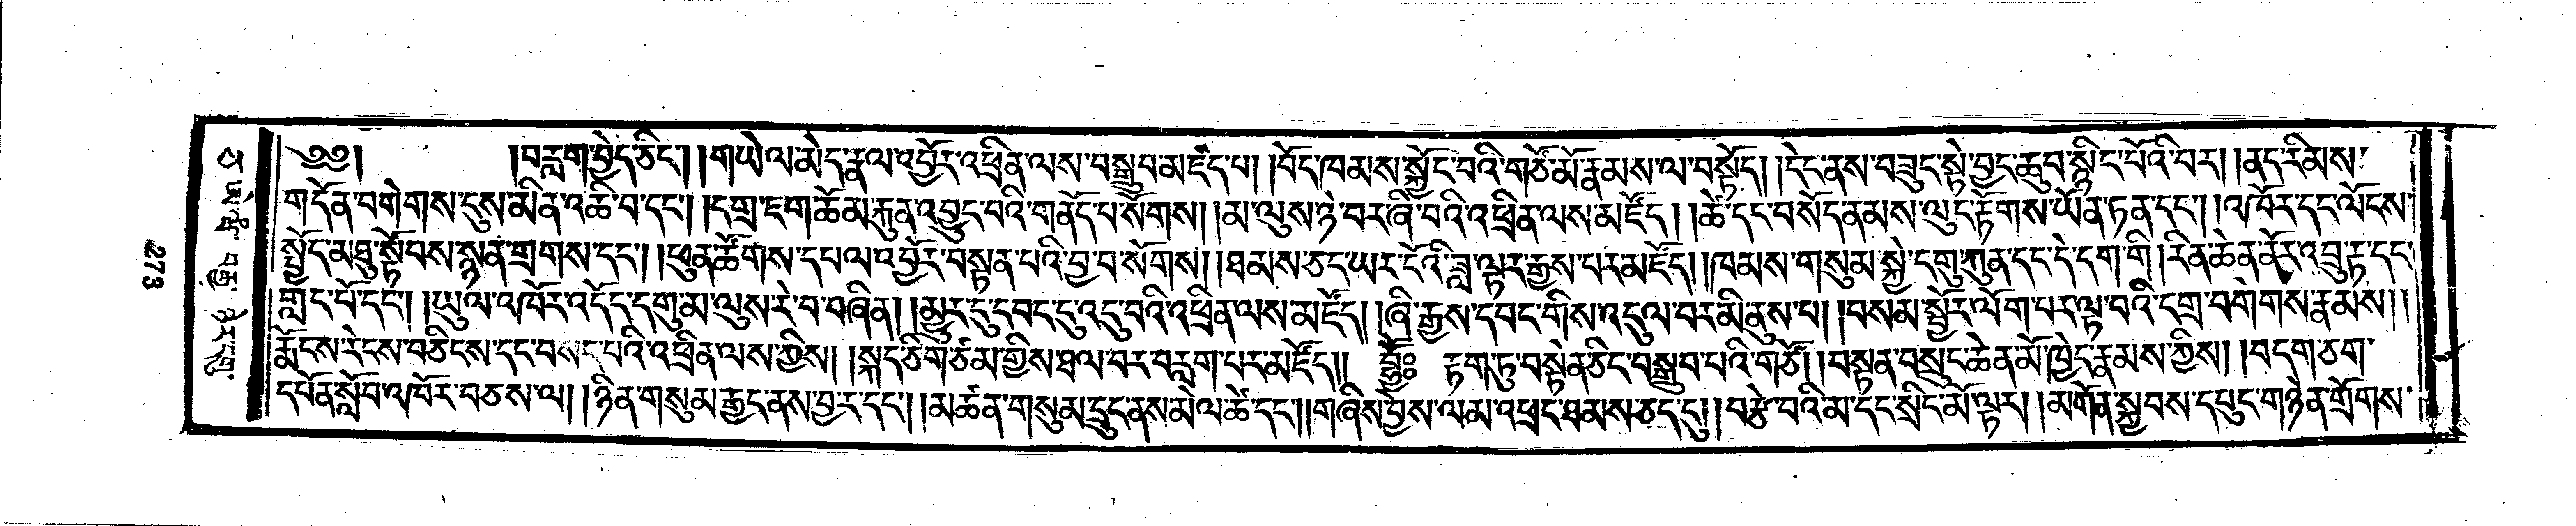༄༅། །བརླག་བྱེད་ཅིང་། །གཡེལ་མེད་རྣལ་འབྱོར་འཕྲིན་ལས་བསྒྲུབ་མཛད་པ། །བོད་ཁམས་སྐྱོང་བའི་གཙོ་མོ་རྣམས་ལ་བསྟོད། །དེང་ནས་བཟུང་སྟེ་བྱང་ཆུབ་སྙིང་པོའི་བར། །ནད་རིམས་
གདོན་བགེགས་དུས་མིན་འཆི་བ་དང་། །དགྲ་ཇག་ཆོམ་རྐུན་འབྱུང་བའི་གནོད་པ་སོགས། །མ་ལུས་ཉེ་བར་ཞི་བའི་འཕྲིན་ལས་མཛོད། །ཚེ་དང་བསོད་ནམས་ལུང་རྟོགས་ཡོན་ཏན་དང་། །འཁོར་དང་ལོངས་
སྤྱོད་མཐུ་སྟོབས་སྙན་གྲགས་དང་། །ཕུན་ཚོགས་དཔལ་འབྱོར་བསྟན་པའི་བྱ་བ་སོགས། །ཐམས་ཅད་ཡར་ངོའི་ཟླ་ལྟར་རྒྱས་པར་མཛོད། །ཁམས་གསུམ་སྐྱེ་དགུ་ཀུན་དང་དེ་དག་གི །རིན་ཆེན་ནོར་འབྲུ་རྟ་དང་
གླང་པོ་དང་། །ཡུལ་འཁོར་འདོད་དགུ་མ་ལུས་རེ་བ་བཞིན། །མྱུར་དུ་དབང་དུ་འདུ་བའི་འཕྲིན་ལས་མཛོད། །ཞི་རྒྱས་དབང་གིས་འདུལ་བར་མི་ནུས་པ། །བསམ་སྦྱོར་ལོག་པར་ལྟ་བའི་དགྲ་བགེགས་རྣམས། །
རྨོངས་རེངས་བཅིངས་དང་བསད་པའི་འཕྲིན་ལས་ཀྱིས། །སྐད་ཅིག་ཙམ་གྱིས་ཐལ་བར་བརླག་པར་མཛོད།། བྷྱཽཿ རྟག་ཏུ་བསྟེན་ཅིང་བསྒྲུབ་པའི་གཙོ། །བསྟན་བསྲུང་ཆེན་མོ་ཁྱེད་རྣམས་ཀྱིས། །བདག་ཅག་
དཔོན་སློབ་འཁོར་བཅས་ལ། །ཉིན་གསུམ་རྒྱང་ནས་བྱ་ར་དང་། །མཚན་གསུམ་དྲུང་ནས་མེལ་ཚེ་དང་། །གཞིས་བྱེས་ལམ་འཕྲང་ཐམས་ཅད་དུ། །བརྩེ་བའི་མ་དང་སྲིང་མོ་ལྟར། །མགོན་སྐྱབས་དཔུང་གཉེན་གྲོགས་